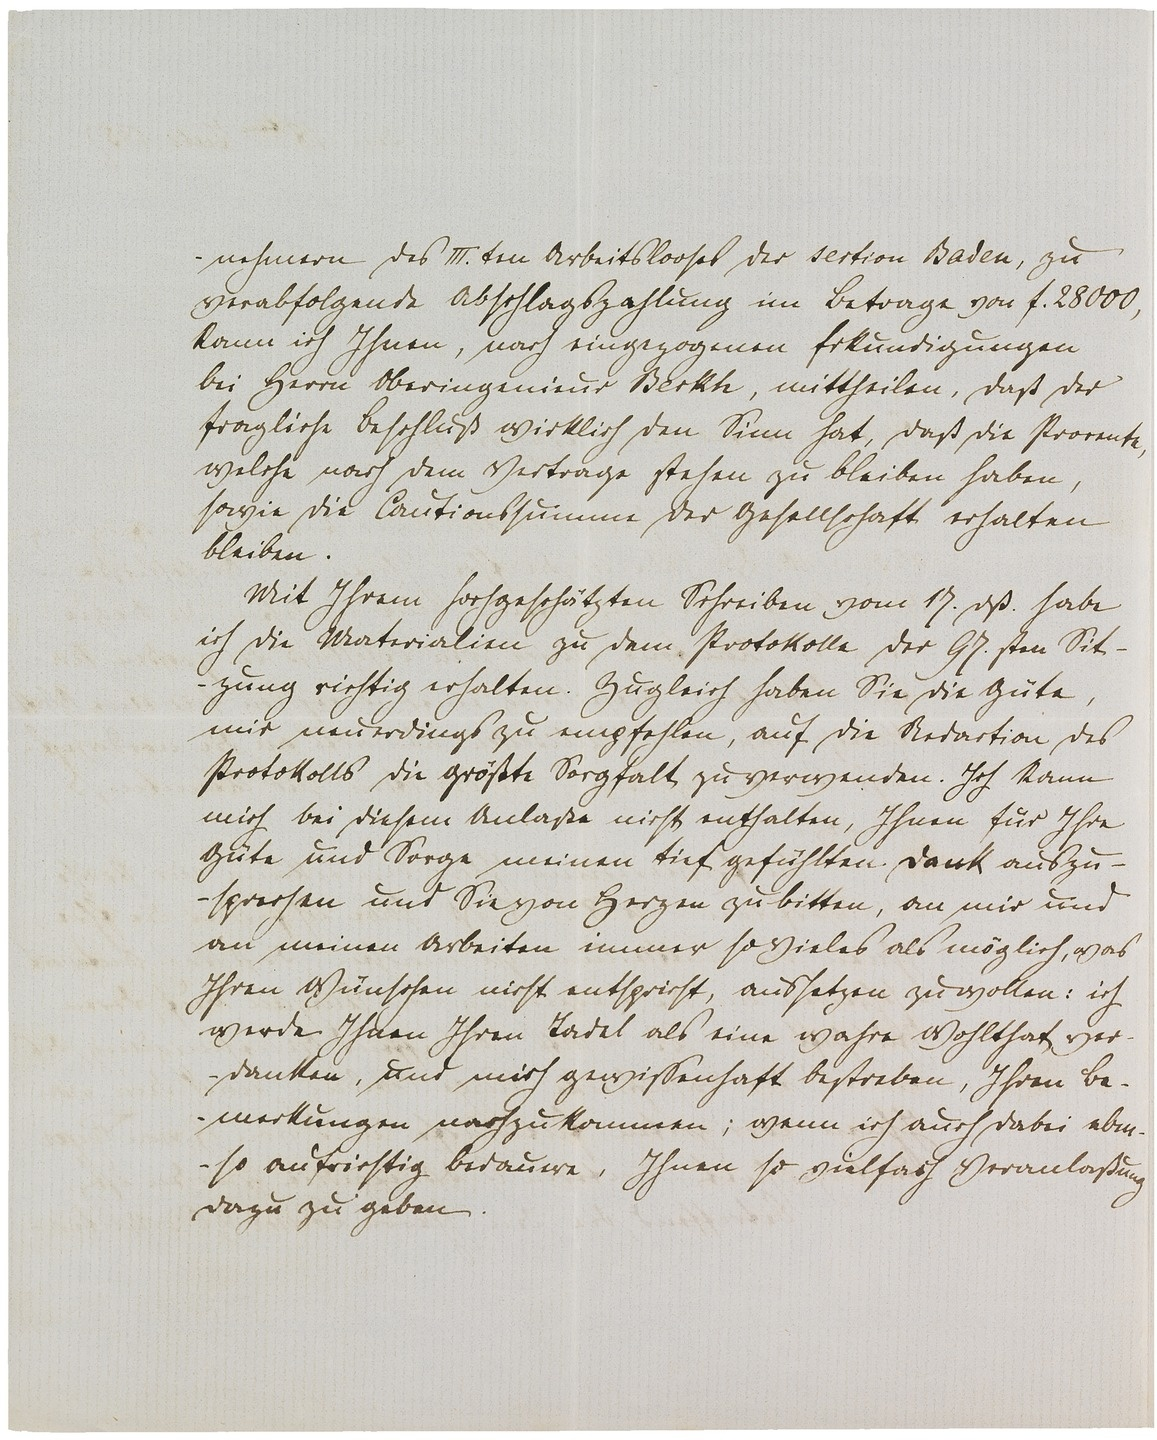vorabfolgende Abschlagszahlung im Betrage von f. 28000,
kann ich Ihnen, nach eingezogenen Erkundigungen
bei Herrn Oberingenieur Beckh, mittheilen, daß der
fragliche Beschluß wirklich den Sinn hat, daß die Procente,
welche nach dem Vertrage stehen zu bleiben haben,
sowie die Cautionssumme der Gesellschaft erhalten
bleiben.
Mit Ihrem hochgeschätzten Schreiben vom 17. dß. habe
ich die Materialien zu dem Protokolle der 97.sten Sit-
zung richtig erhalten. Zugleich haben Sie die Güte,
mir neuerdings zu empfehlen, auf die Redaction des
Protokolls die größte Sorgfalt zu verwenden. Ich kann
mich bei diesem Anlaße nicht enthalten, Ihnen für Ihre
Güte und Sorge meinen tief gefühlten Dank auszu-
sprechen und Sie von Herzen zu bitten, an mir und
an meinen Arbeiten immer so Vieles als möglich, was
Ihren Wünschen nicht entspricht, aussetzen zu wollen: ich
werde Ihnen Ihren Tadel als eine wahre Wohlthat ver-
danken, und mich gewissenhaft bestreben, Ihren Be-
merkungen nachzukommen; wenn ich auch dabei eben-
so aufrichtig bedauere, Ihnen so vielfach Veranlaßung
dazu zu geben.